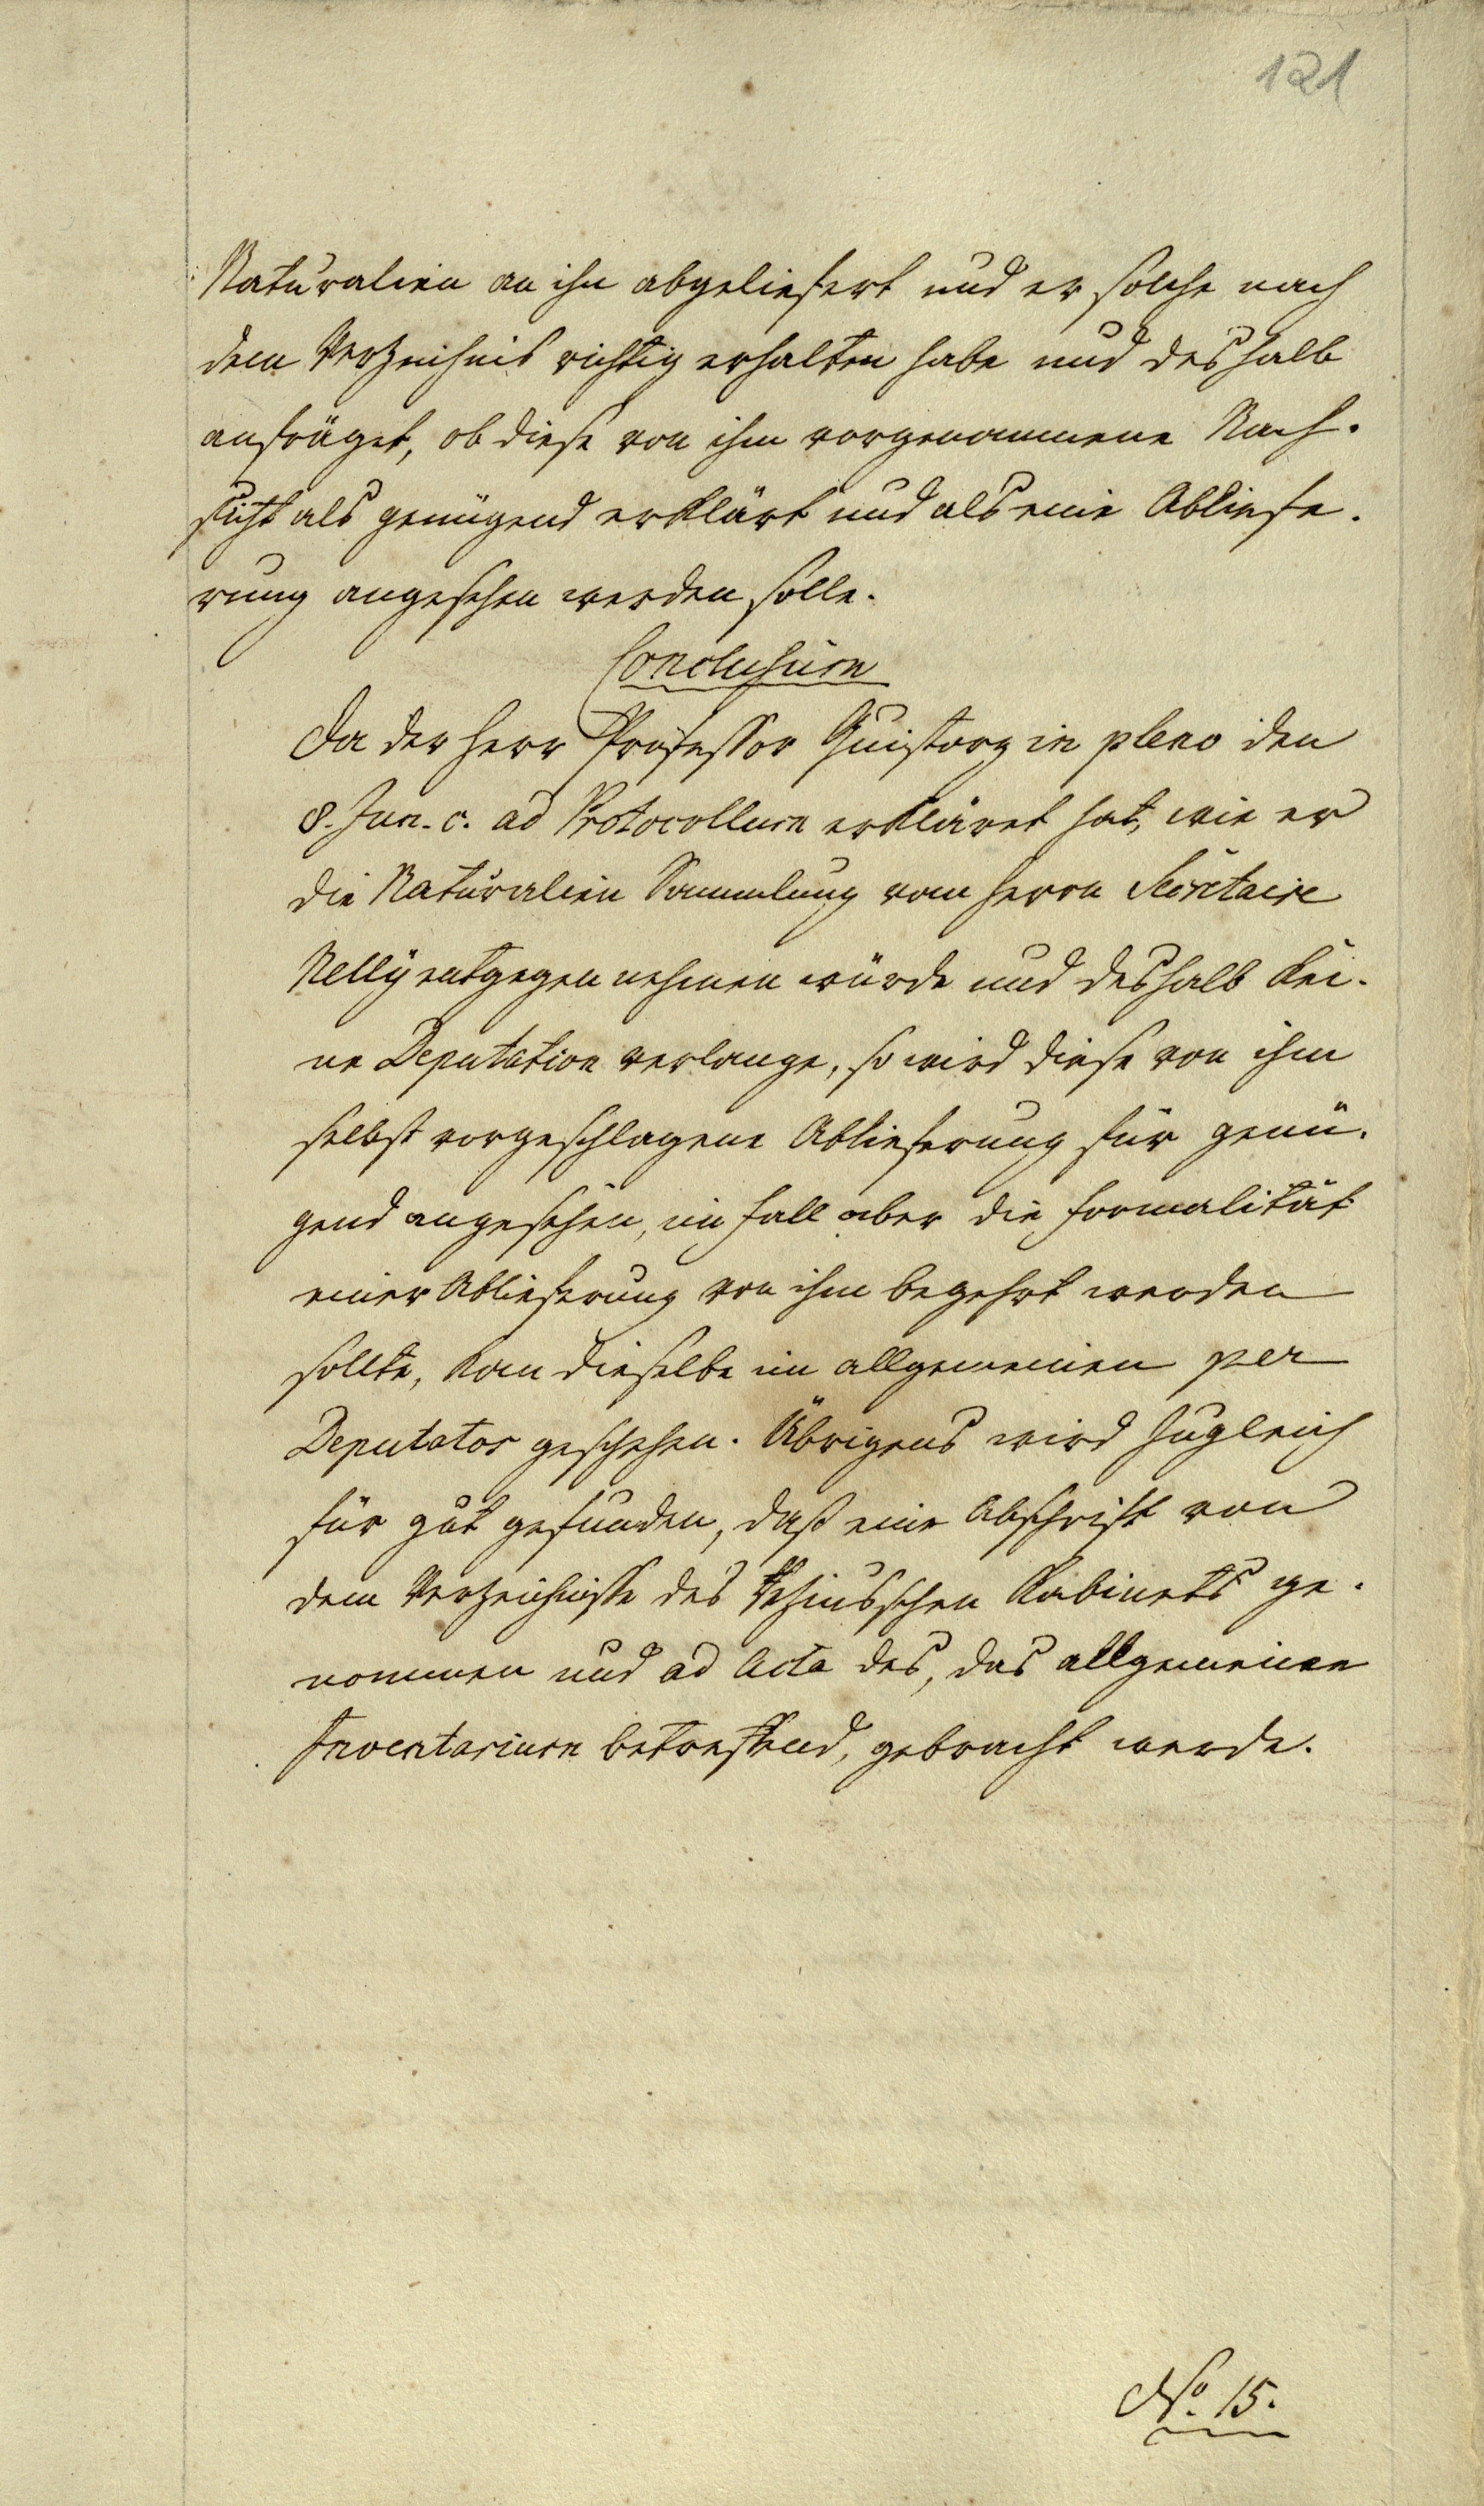Naturalien an ihn abgeliefert und er solche nach
dem Verzeichnis richtig erhalten habe und deshalb
anfräget, ob diese von ihm vorgenommene Nach¬
sicht als genügend erklärt und als eine Abliefe¬
rung angesehen werden solle.
Conclusum
Da der Herr Professor Quistorp in pleno den
8. Jun. c. ad Protocollum erkläret hat, wie er
die Naturalien Sammlung vom Herrn Secretaire
Nellÿ entgegen nehmen würde und deshalb kei¬
ne Deputation verlange, so wird diese von ihm
selbst vorgeschlagene Ablieferung für genü¬
gend angesehen, im Fall aber die Formalität
einer Ablieferung von ihm begehrt werden
sollte, kan dieselbe im allgemeinen per
Deputatos geschehen. Übrigens wird zugleich
für gut gefunden, daß eine Abschrift von
dem Verzeichnisse des Reziusschen Kabinets ge¬
nommen und ad Acta des, das allgemeine
Inventarium betreffend, gebracht werde.
No 15.